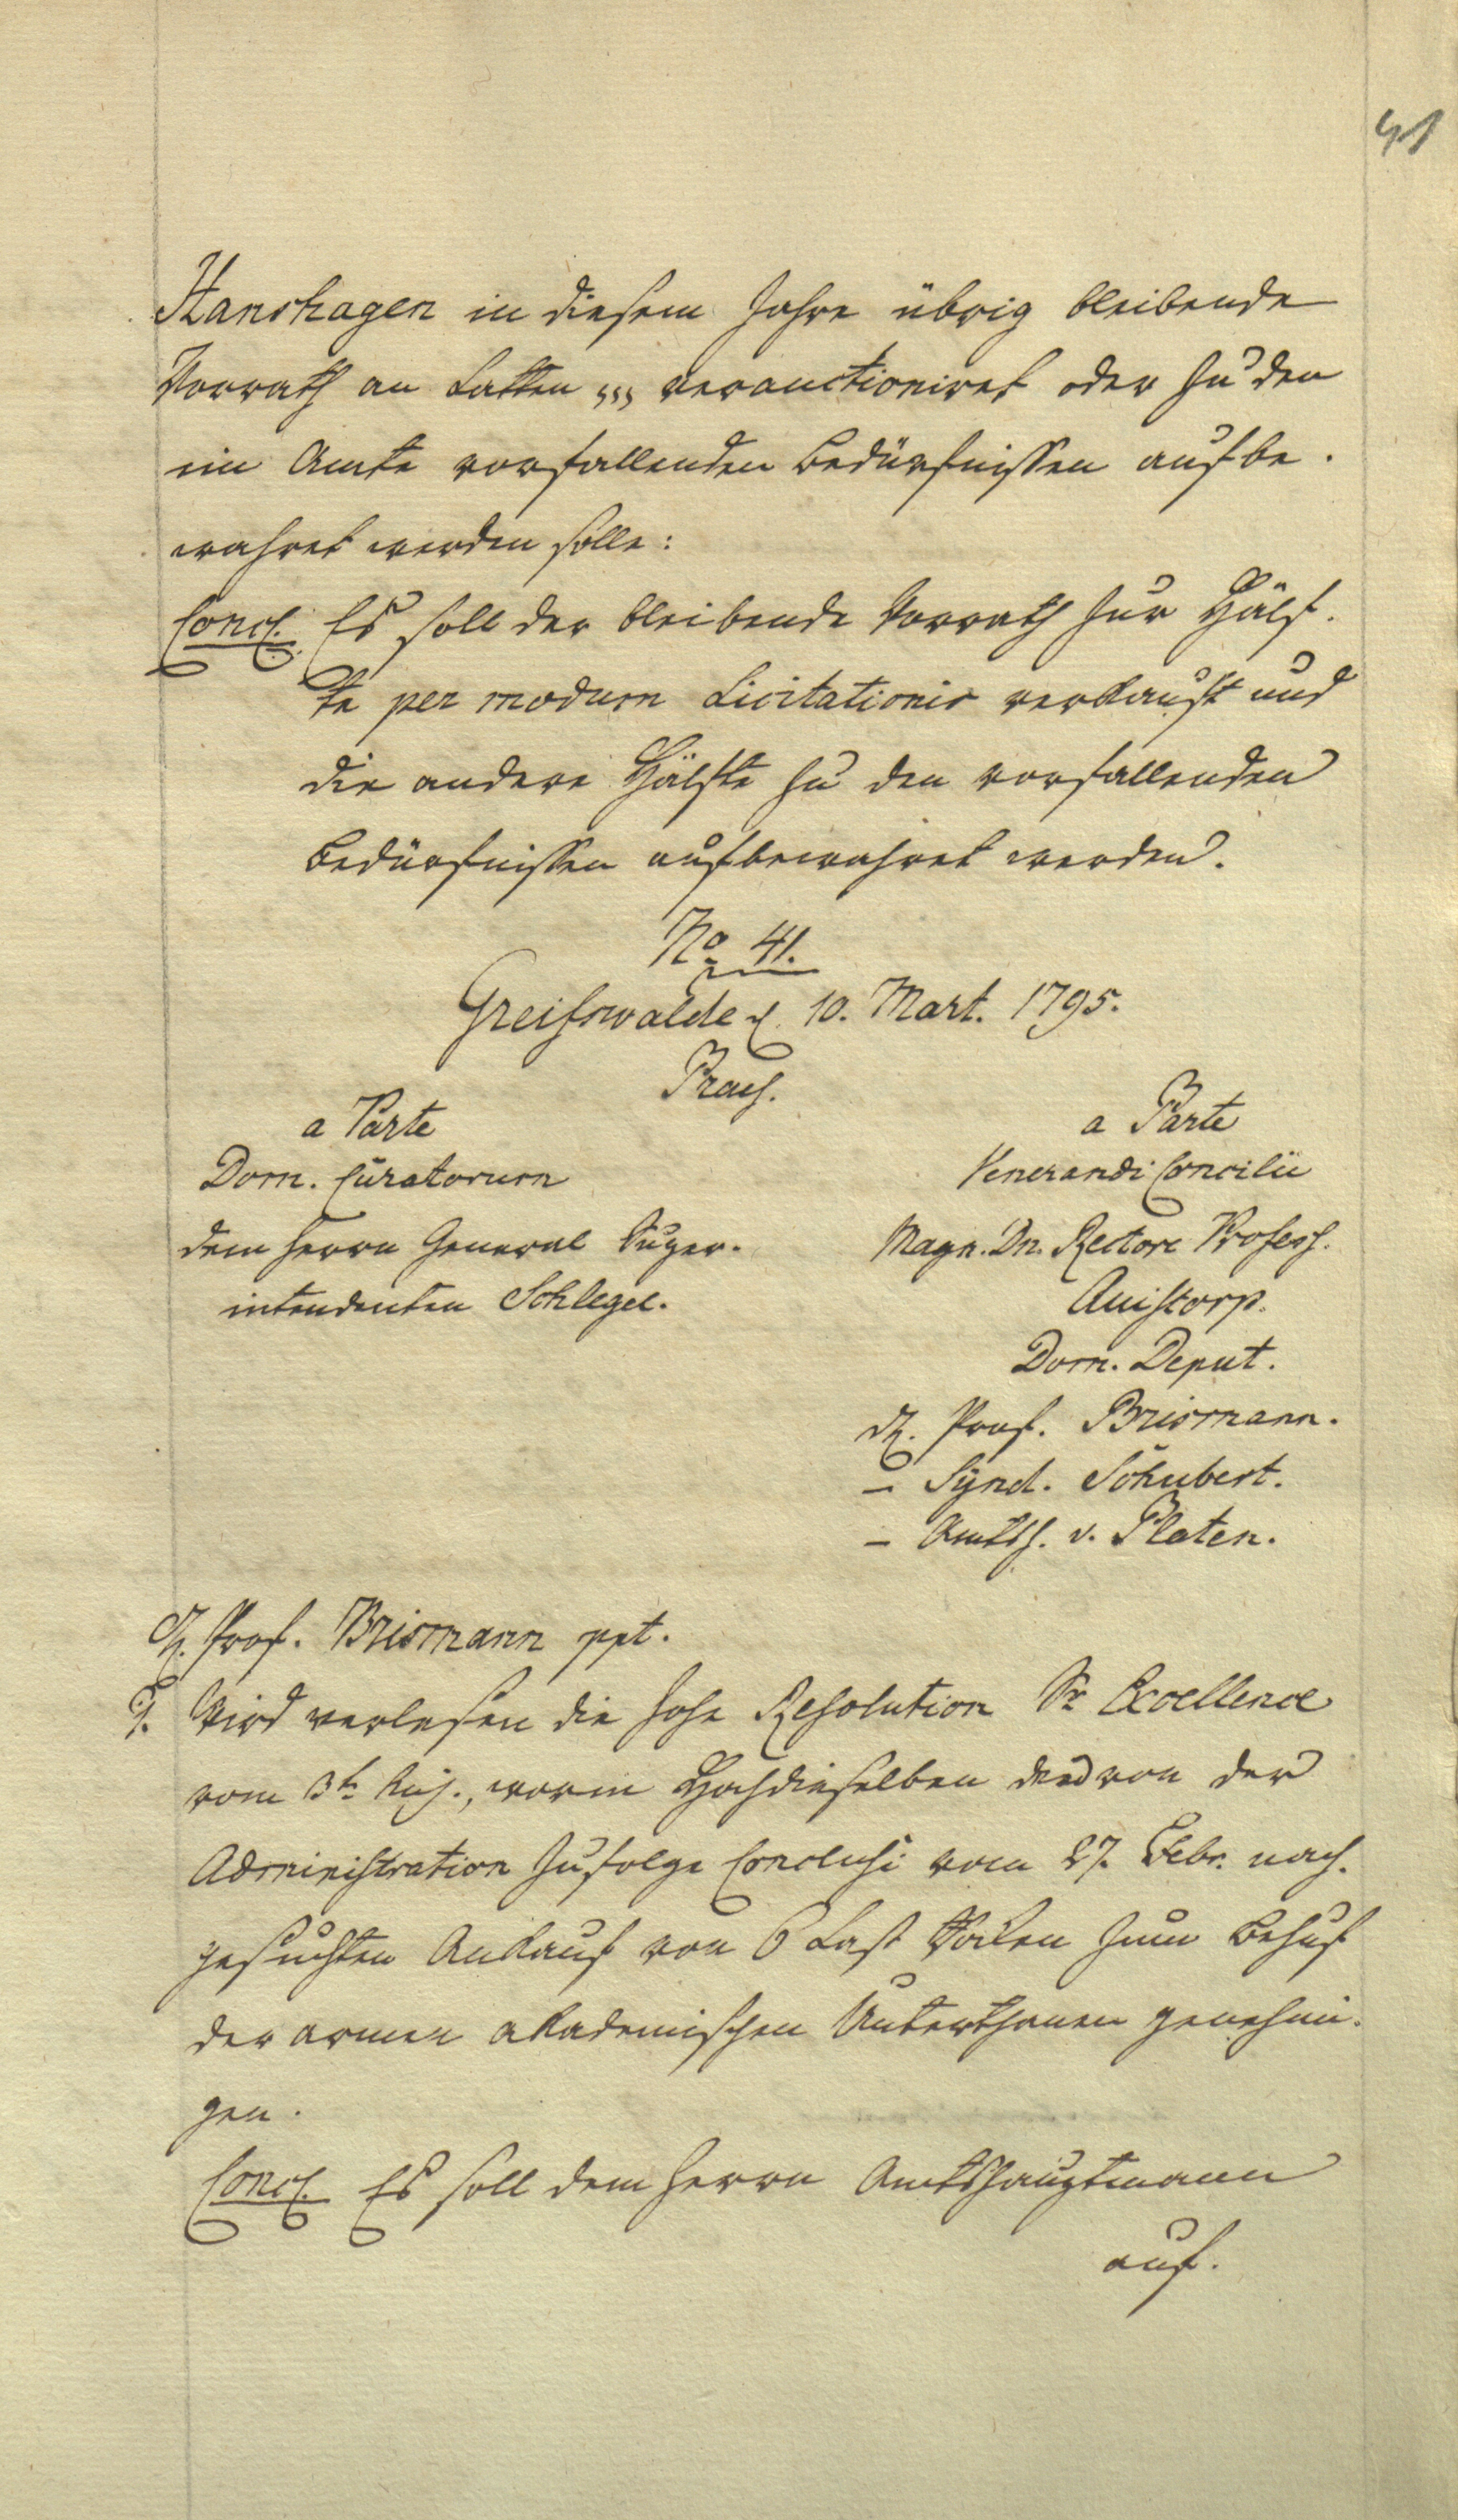Hanshagen in diesem Jahre übrig bleibende
Vorrath an Latten. verauctioniret oder zu den
im Amte vorfallenden Bedürfnissen aufbe¬
wahret werden solle:
Concl. Es soll der bleibende Vorrath zur Hälf¬
te per modum Licitationis verkauft und
die andere Hälfte zu den vorfallenden
Bedürfnissen aufbewahret werden.
No 41.
Greifswalde 10. Mart. 1795.
Praes.
a Parte a Parte
Dom. Curatorum Venerandi Concilii
dem Herrn General Super¬ Magn. Dn. Rectore Profess.
intendenten Schlegel. Quistorp.
Dom. Deput.
dh. Prof. Brismann.
Sÿnd. Schubert.
Amtsh. v. Platen.
dh. Prof. Brismann ppt.
1. Wird verlesen die Hohe Resolution Sr Excellence
vom 3 te huj. worin Hochdieselben den von der
Administration zufolge Conclusi vom 27. Febr. nach¬
gesuchten Ankauf von 6 Last Rocken zum Behuf
der armen akademischen Unterthanen genehmi¬
gen.
Concl. Es soll dem Herrn Amtshauptmann
auf